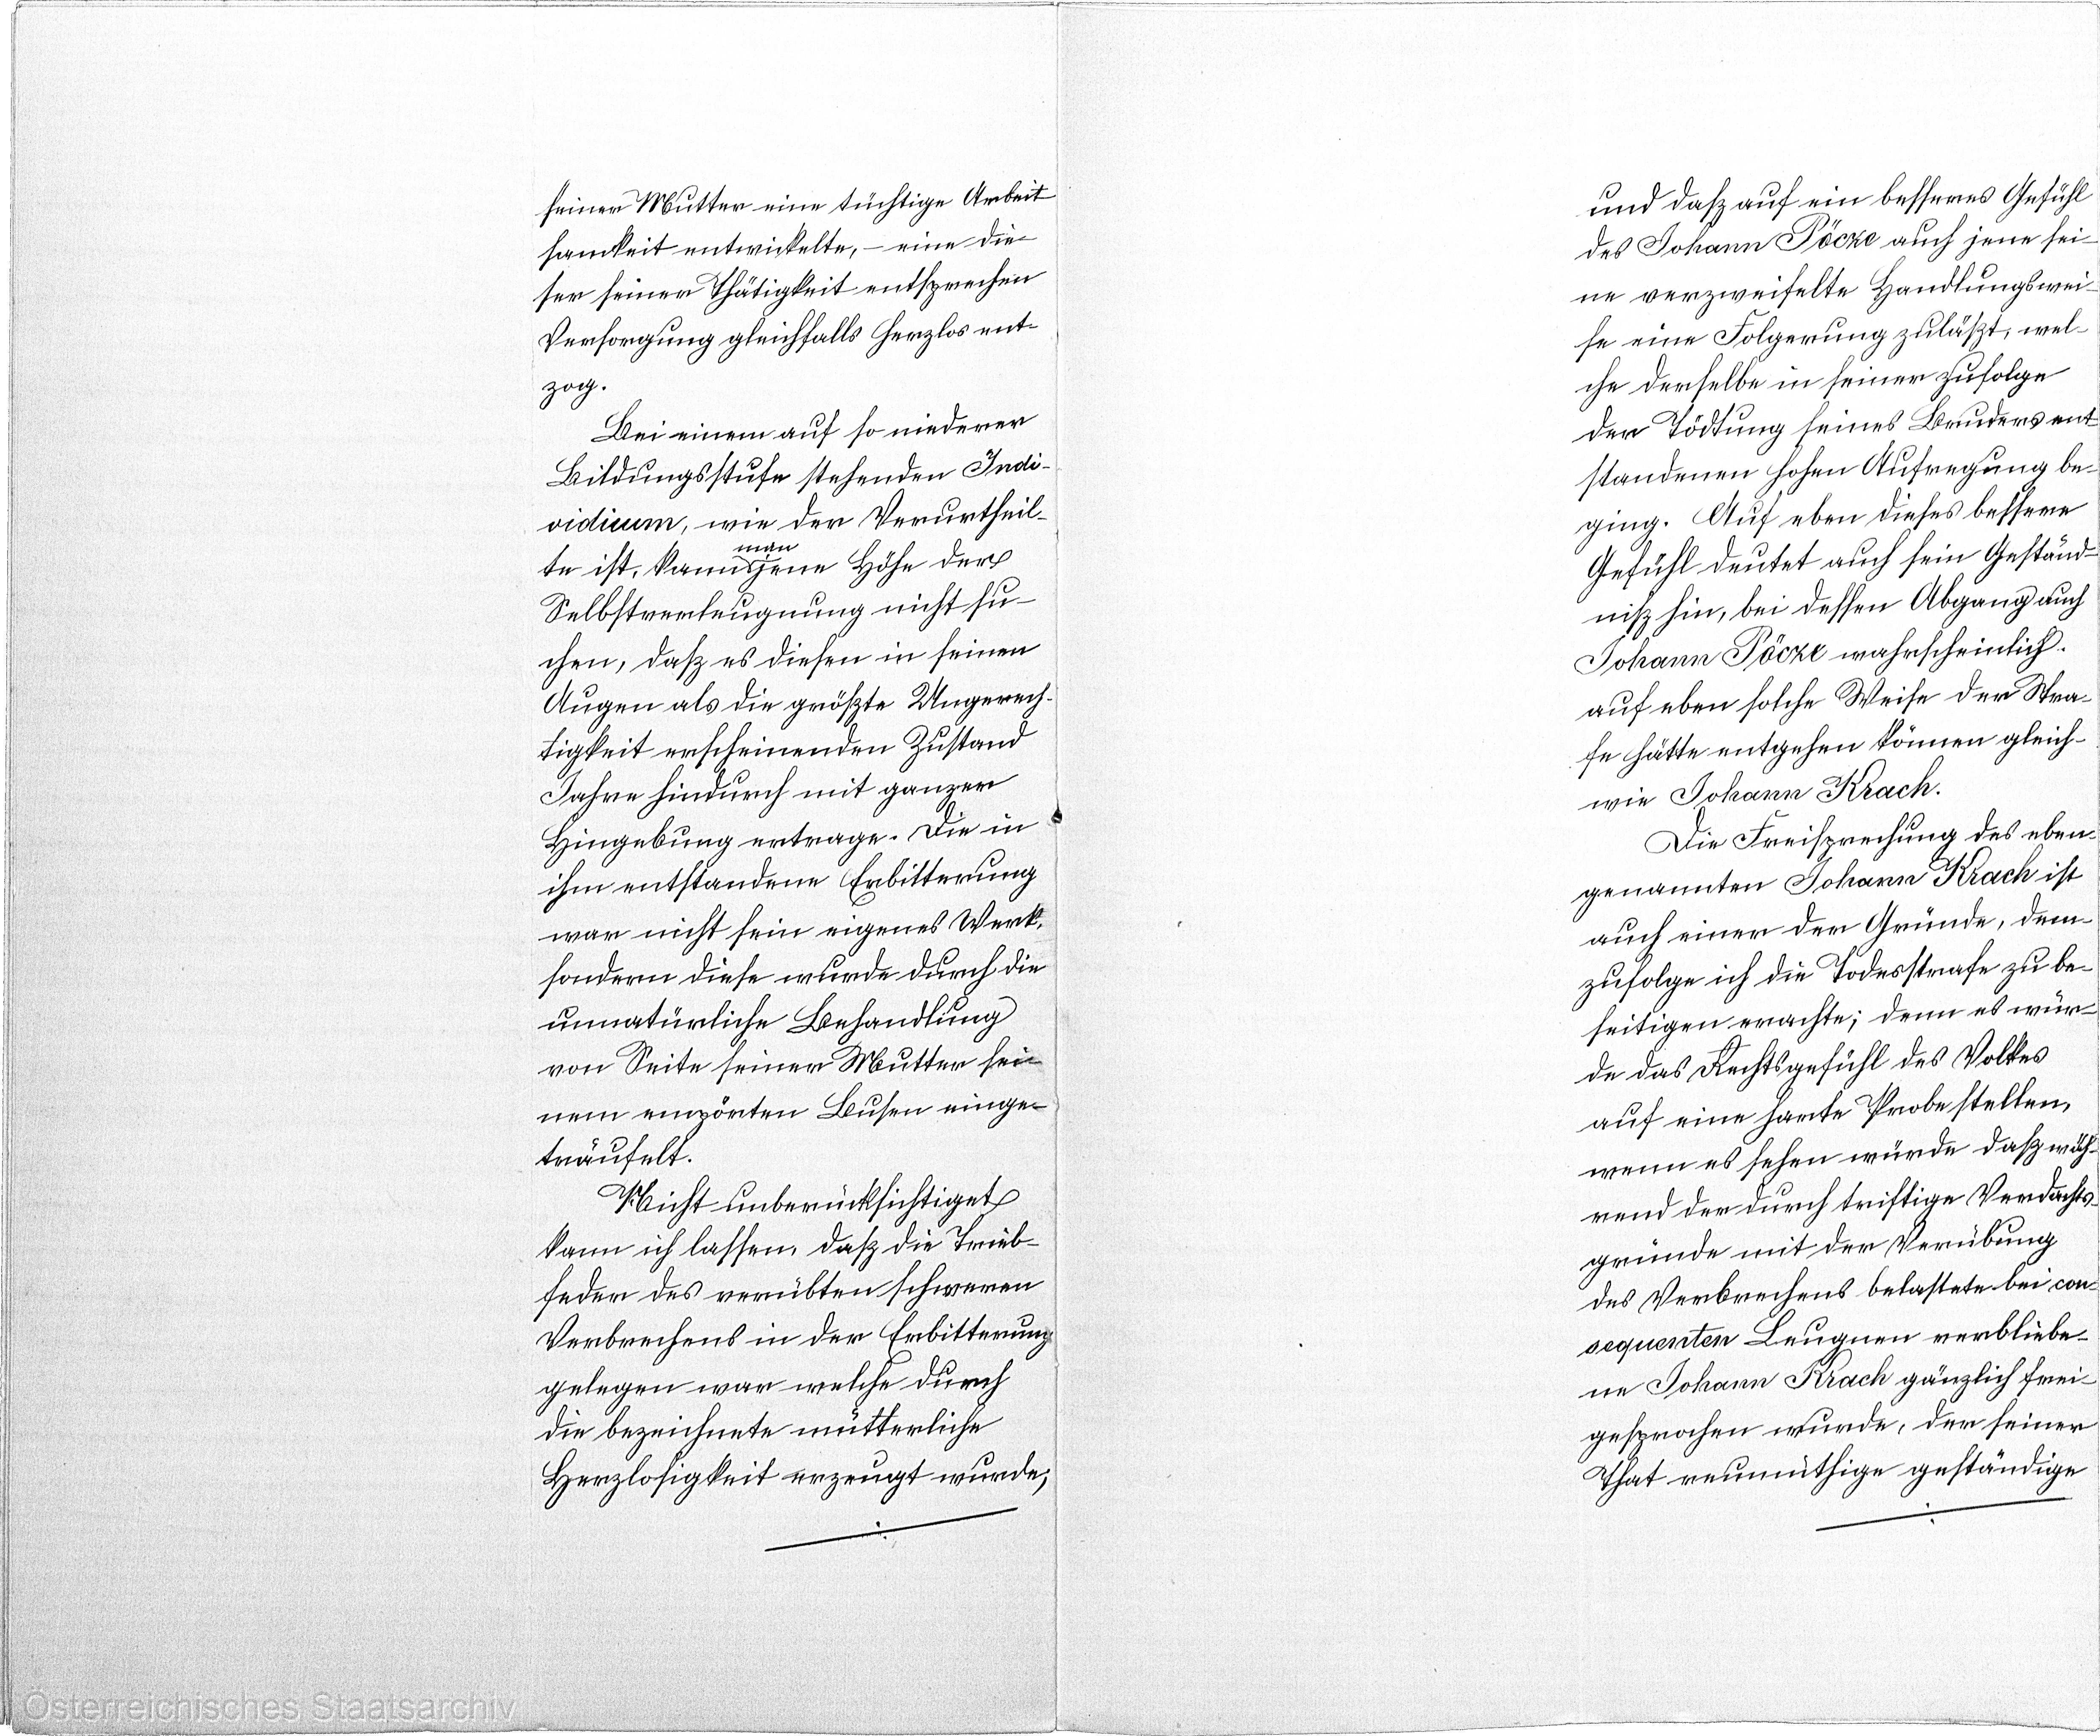seiner Mutter eine tüchtige Arbeit¬
samkeit entwickelte, – eine die¬
ser seiner Thätigkeit entsprechen
Versorgung gleichfalls herzlos ent¬
zog.
Bei einem auf so niederer
Bildungsstufe stehenden Indi¬
vidium, wie der Verurtheil¬
te ist, kann man jene Höhe der
Selbstverleugnung nicht su¬
chen, daß es diesen in seinen
Augen als die größte Ungerech¬
tigkeit erscheinenden Zustand
Jahre hindurch mit ganzer
Hingebung ertrage. Die in
ihm entstandene Erbitterung
war nicht sein eigenes Werk,
sondern diese wurde durch die
unnatürliche Behandlung
von Seite seiner Mutter sei¬
nem empörten Busen einge¬
träufelt.
Nicht unberücksichtiget
kann ich lassen, daß die Trüb¬
faden des verübten schweren
Verbrechens in der Erbitterung
gelegen war welche durch
die bezeichnete mütterliche
Herzlosigkeit erzeugt wurde,
und daß auf ein besseres Gefühl
des Johann Pöcze auch jene sei¬
ne verzweifelte Handlungswei¬
se eine Folgerung zuläßt, wel¬
che derselbe in seiner zufolge
der Tödtung seines Bruders ent¬
standenen hohen Aufregung be¬
ging. Auf eben dieses bessere
Gefühl deutet auch sein Geständ¬
niß hin, bei dessen Abgang auch
Johann Pöcze wahrscheinlich
auf eben solche Weise der Stra¬
fe hätte entgehen können gleich
wie Johann Krach.
Die Freisprechung des eben¬
genannten Johann Krach ist
auch einer der Gründe, dem¬
zufolge ich die Todesstrafe zu be¬
seitigen erachte; denn es wür¬
de das Rechtsgefühl des Volkes
auf eine harte Probe stellen,
wenn es sehen würde daß wäh¬
rend der durch tristige Verdachts¬
gründe mit der Verübung
des Verbrechens belastete bei con¬
sequenten Leugnen verbliebe¬
ne Johann Krach gänzlich frei¬
gesprochen wurde, der seiner
That reumuthige geständige